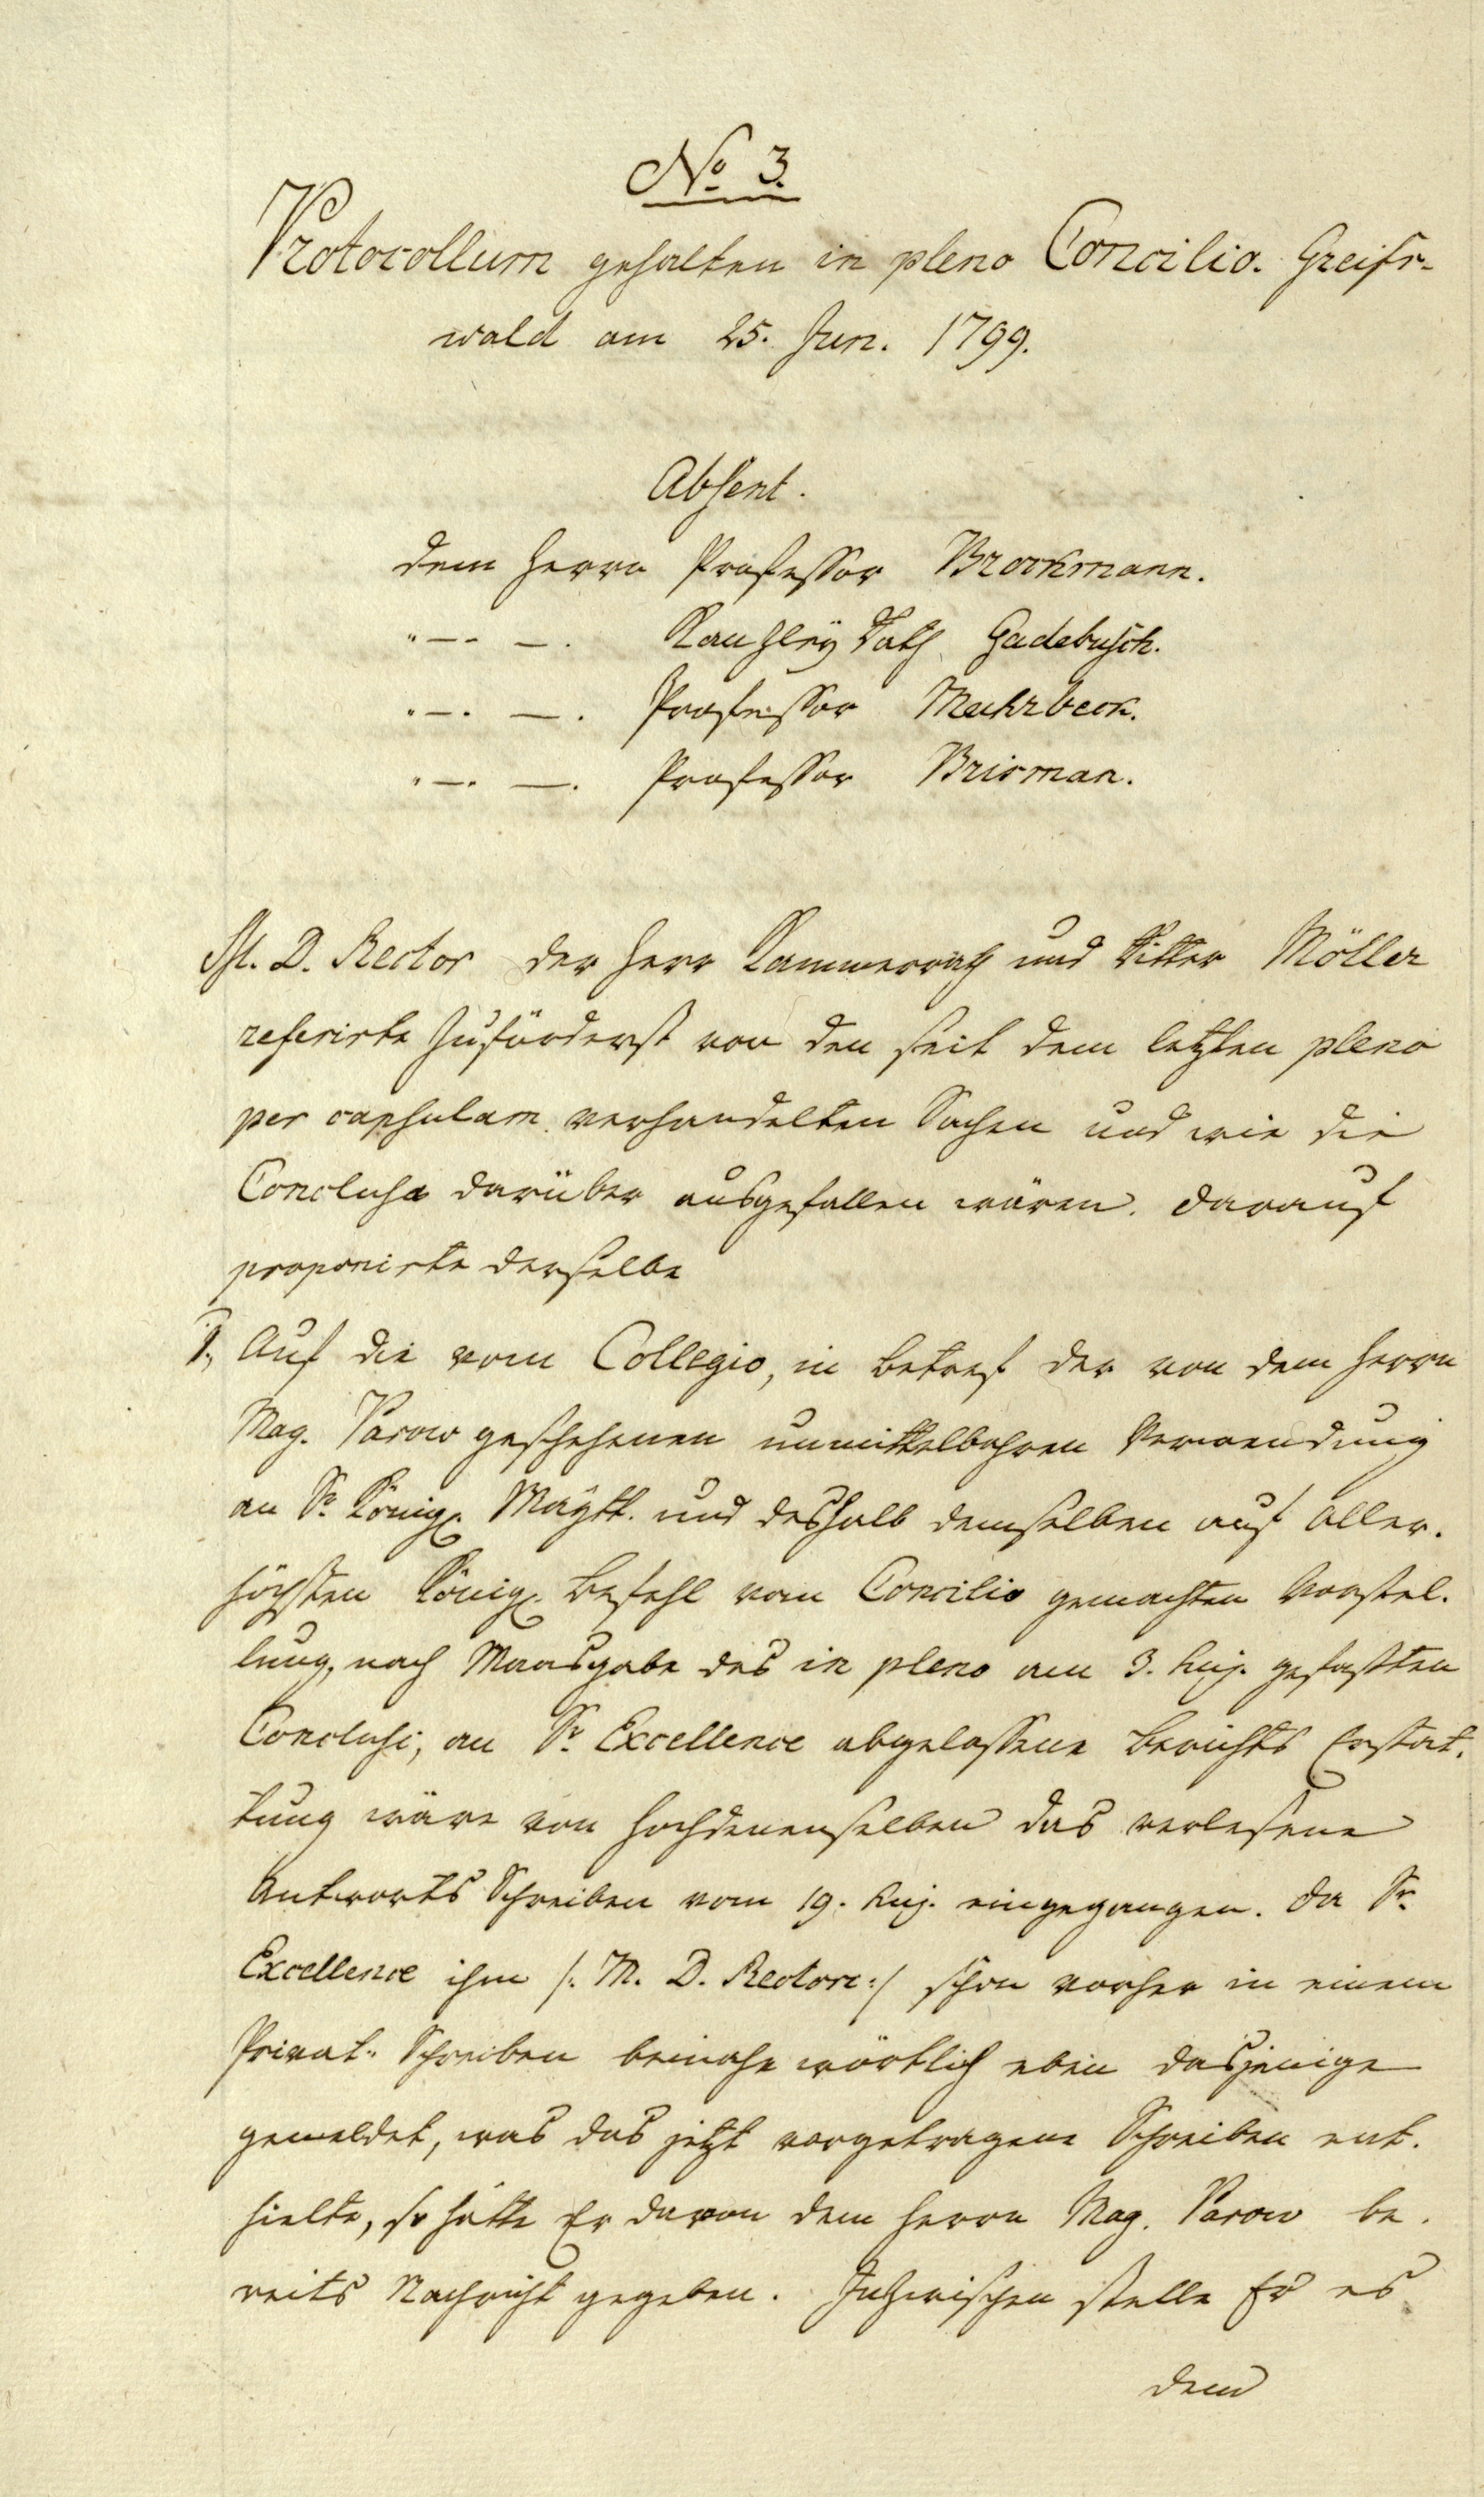Nº 3.
Protocollum gehalten in pleno Concilio. Greifs¬
wald am 25. Jun. 1799
Absent.
dem herrn Prof. Brockmann.
Kanzleÿ Rath Gadebusch.
Professor Muhrbeck.
Professor Brisman.
M. D. Rector der herr Kammerrath und Ritter Möller
referirte zuförderst von den seit dem letzten pleno
per capsulam verhandelten Sachen und wie die
Conclusa darüber ausgefallen wären. Darauf
proponirte derselbe
1., Auf die vom Collegio, in Betref der von dem herrn
Mag. Parow geschehenen unmittelbahren Verwendung
an Sr. Königl. Maÿtt. und deshalb demselben auf aller¬
höchsten Königl. Befehl vom Concilio gemachten Vorstel¬
lung, nach Maasgabe des in pleno am 3. huj. gefaßten
Conclusi, an Sr. Excellence abgelassene Berichts Erstat¬
tung wäre von hochdenenselben das verlesene
Antworts Schreiben vom 19. huj. eingegangen. Da Sr.
Excellence ihm / M. D. Rectore / schon vorher in einem
Privat-Schreiben beinahe wörtlich eben dasjenige
gemeldet, was das jetzt vorgetragene Schreiben ent¬
hielte, so hätte Er davon dem herrn Mag. Parow be¬
reits Nachricht gegeben. Inzwischen stelle Er es
dem